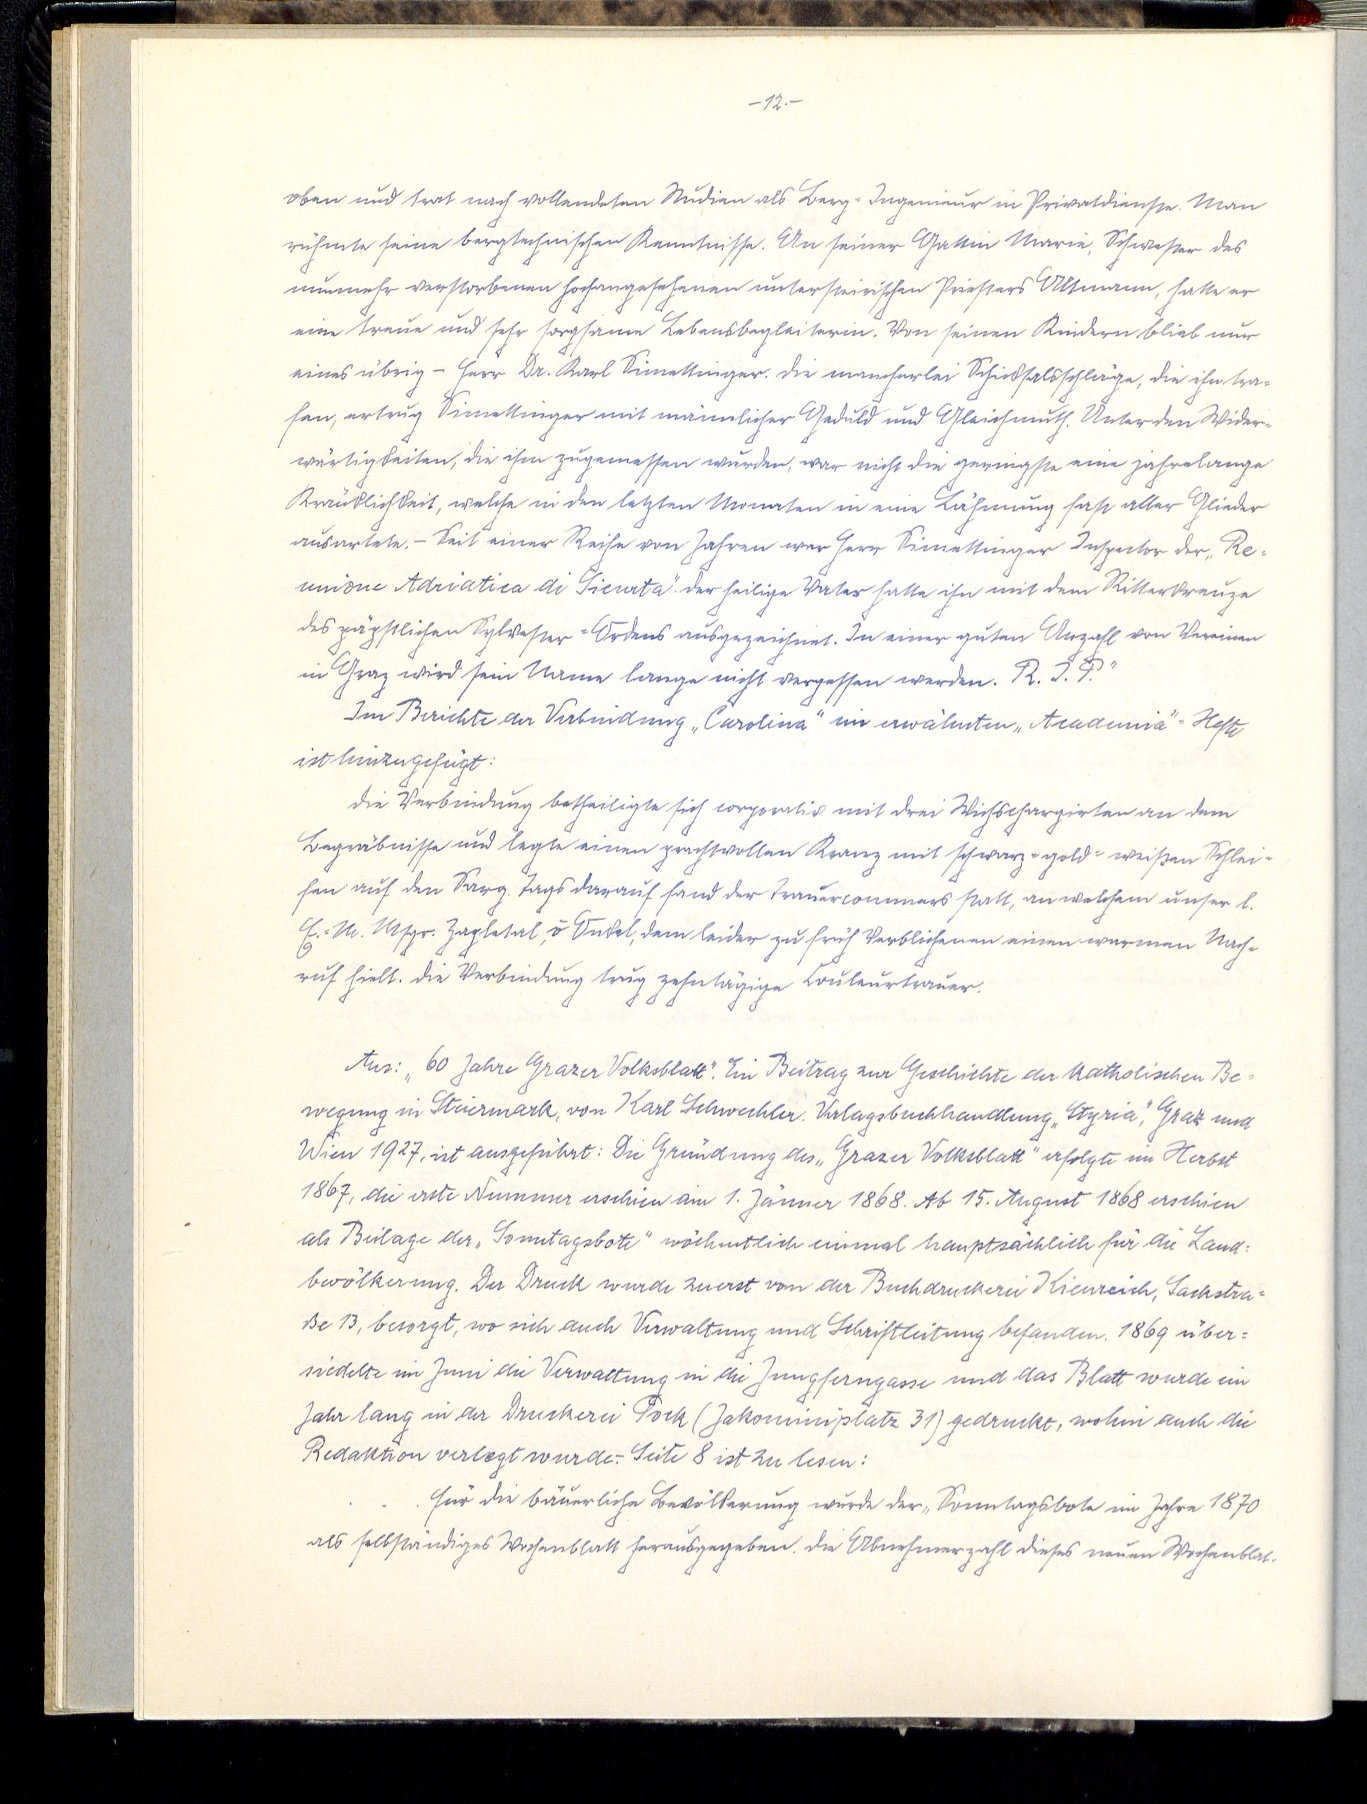-12.-
oben und trat nach vollenden Studien als Berg-Ingenieur in Privatdiensten. Man
rühmte seine bergtechnischen Kenntnisse. An seiner Gattin Maria, Schwester des
nunmehr verstorbenen hochangesehenen untersteirischen Priesters Altmann, hatte er
eine treue und sehr sorgsame Lebensbegleiterin. Von seinen Kindern blieb nur
eines übrig - Herr Dr. Karl Simettinger. Die mancherlei Schicksalsschläge, die ihn tra-
fen, ertrug Simettinger mit männlicher Geduld und Gleichmut. Unter den Wider-
wärtigkeiten, die ihm zugemessen wurden, war nicht die geringste eine jahrelange
Kräncklichkeit, welche in den letzten Monaten in eine Lähmung fast aller Glieder
ausartete. - Seit einer Reihe von Jahren war Herr Simettinger Inspector der "Re-
unione Adriatica di Sicurtà". Der heilige Vater hatte ihn mit dem Ritterkreuze
des päpstlichen XXX-Werkes ausgezeichnet. In einer guten Anzahl von Vereinen
in Graz wird sein Name lange nicht vergessen werden. R. I. P."
Im Berichte der Verbindung "Carolina" im erwähnten "Academia"-Hefte
ist hinzugefügt:
Die Verbindung betheiligte sich corporatis mit drei Wichschargierten an dem
Begräbnisse und legte einen prachtvollen Kranz mit schwarz-gold-weißen Schlei-
fen auf den Sarg. Tags darauf fand der Trauercommers statt, an welchem unser l.
E.-M. Msgr. Zagletal, v/o Enkel, dem leider zu früh verblichenen einen warmen Nach-
ruf hielt. Die Verbindung trug zehntätige Couleurtrauer.
Aus: "60 Jahre Grazer Volksblatt". Ei Beitrag zur Geschichte der katholischen Be-
wegung in Steiermark, von Karl Schnachler. Verlagsbuchhandlung "Styria" Graz und
Wien 1927 ist ausgeführt: Die Grüdung des "Grazer Volksblatt" erfolge im Herbst
1867, die erste Nummer erschien am 1. Jänner 1868. Ab 15. August 1868 erschien
als Beilage der "Sonntagsbote" wöchentlich einmal hauptsächlich für die Land-
bevölkerung. Der Druck wurde zuerst von der Buchdruckerei Kienreich, Backstra-
ße 13, besorgt, wo sich auch Verwaltung und Schriftleitung befanden. 1869 über-
siedelte im Juni die Verwaltung in die Jungferngasse und das Blatt wurde ein
Jahr lang in der Druckerei Pock (Jakominiplatz 31) gedruckt, wohin auch die
Redaktion verlegt wurde. - Seite 8 ist zu lesen:
Für die bäuerliche Bevölkerung wurde der "Sonntagsbote" im Jahre 1870
als selbstständiges Wochenblatt herausgegeben. Die Abnehmerzahl dieses neuen Wochenblat-